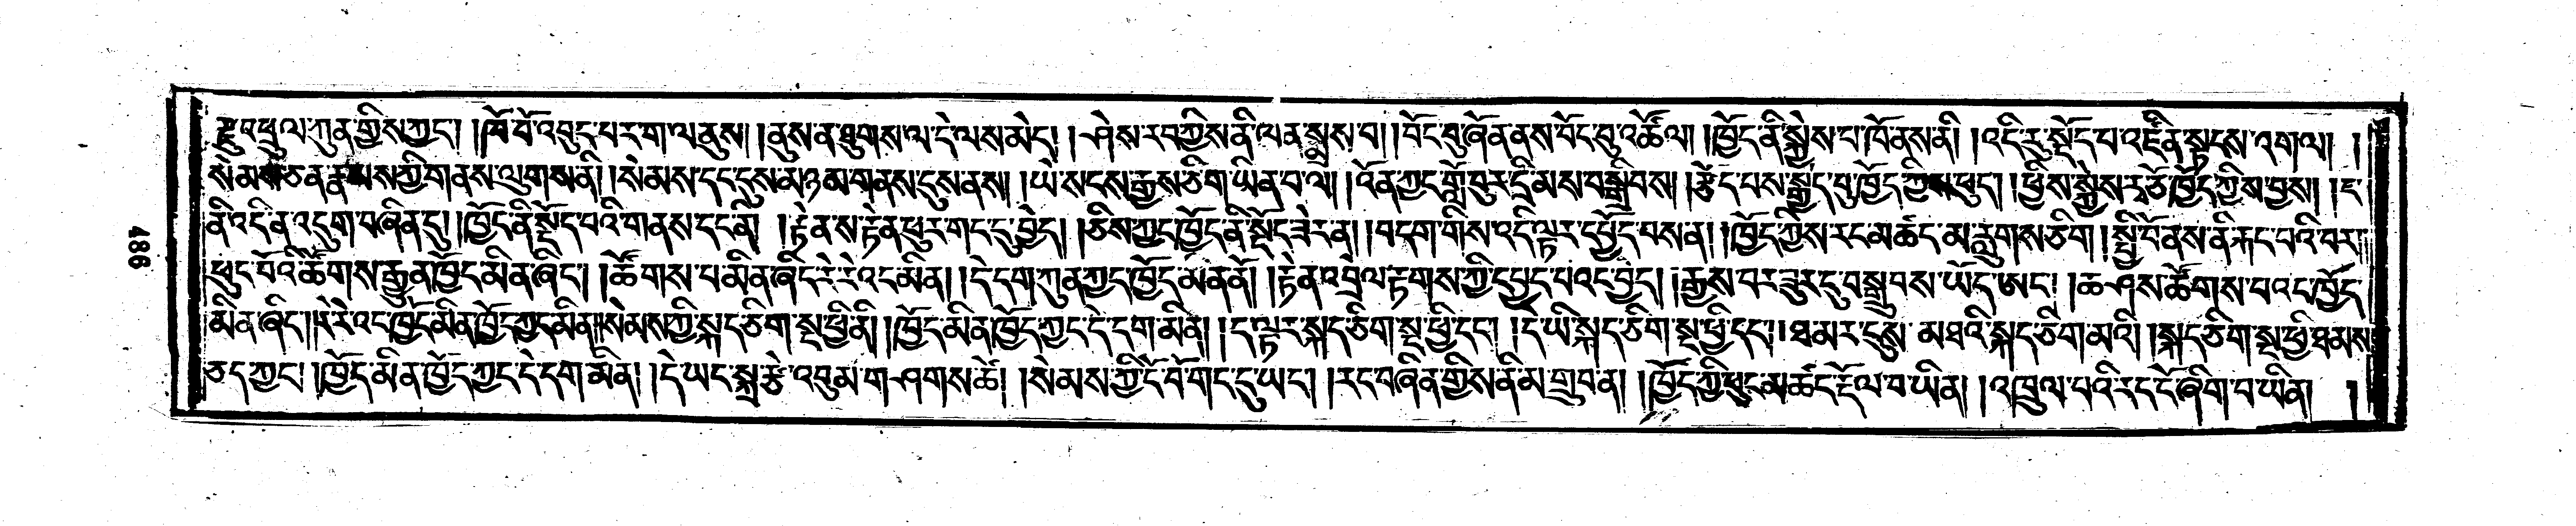རྫུ་འཕྲུལ་ཀུན་གྱིས་ཀྱང་། །ཁོ་བོ་འབུད་པར་ག་ལ་ནུས། །ནུས་ན་ཐུགས་ལ་དེ་ལས་མེད། །ཤེས་རབ་ཀྱིས་ནི་ལན་སྨྲས་པ། །བོང་བུ་ཞོན་ནས་བོང་བུ་འཚོལ། །ཁྱོད་ནི་སྐྱེས་པ་ཁོ་ནས་ནི། །འདི་རུ་སྡོད་པ་འཛིན་སྟངས་འགལ། །
སེམས་ཅན་རྣམས་ཀྱི་གནས་ལུགས་ནི། །སེམས་དང་དུས་མཉམ་གནས་དུས་ནས། །ཡེ་སངས་རྒྱས་ཅིག་ཡིན་པ་ལ། །འོན་ཀྱང་གློ་བུར་དྲི་མས་བསྒྲིབས། །རྩོད་པས་སྒྱེད་བུ་ཁྱོད་ཀྱིས་ཕུང་། །ཕྱིས་སྐྱེས་རྭ་ཅོ་ཁྱོད་ཀྱིས་བྱས། །ང་
ནི་འདི་ན་འདུག་བཞིན་དུ། །ཁྱོད་ནི་སྡོད་པའི་གནས་དང་ནི། །རྟེན་ས་རྟེན་ཕུར་གང་དུ་བྱེད། །ཅིས་ཀྱང་ཁྱོད་ནི་སྡོད་ཟེར་ན། །བདག་གིས་འདི་ལྟར་དཔྱོད་པས་ན། །ཁྱོད་ཀྱིས་རང་མཚང་མ་རླུགས་ཅིག ། སྤྱི་བོ་ནས་ནི་རྐང་པའི་བར། །
ཕུང་པོའི་ཚོགས་རྒྱུན་ཁྱོད་མིན་ཞིང་། །ཚོགས་པ་མིན་ཞིང་རེ་རེའང་མིན། །དེ་དག་ཀུན་ཀྱང་ཁྱོད་མིན་ནོ། །རྟེན་འབྲེལ་རྟགས་ཀྱི་དཔྱད་པའང་བྱེད། །རྒྱས་པར་ཟུར་དུ་བསྒྲུབ་ཡོད་ཨང་། །ཆ་ཤས་ཚོགས་པའང་ཁྱོད་
མིན་ཞིང་། །རེ་རེ་འང་ཁྱོད་མིན་ཁྱོད་ཀྱང་མིན། །སེམས་ཀྱི་སྐད་ཅིག་སྔ་ཕྱི་ནི། །ཁྱོད་མིན་ཁྱོད་ཀྱང་དེ་དག་མིན། །ད་ལྟར་སྐད་ཅིག་སྔ་ཕྱི་དང་། །དེ་ཡི་སྐད་ཅིག་སྔ་ཕྱི་དང་། །ཐ་མར་དུས་མཐའི་སྐད་ཅིག་མའི། །སྐད་ཅིག་སྔ་ཕྱི་ཐམས་
ཅད་ཀྱང་། །ཁྱོད་མིན་ཁྱོད་ཀྱང་དེ་དག་མིན། །དེ་ཡང་སྐྲ་རྩེ་འབུམ་གཤགས་ཚེ། །སེམས་ཀྱི་ངོ་བོ་གང་དུ་ཡང་། །རང་བཞིན་གྱིས་ནི་མ་གྲུབ་ན། །ཁྱོད་ཀྱི་ཕུང་མཚང་རྡོལ་བ་ཡིན། །འཁྲུལ་བའི་རང་ངོ་ཞིག་པ་ཡིན། །